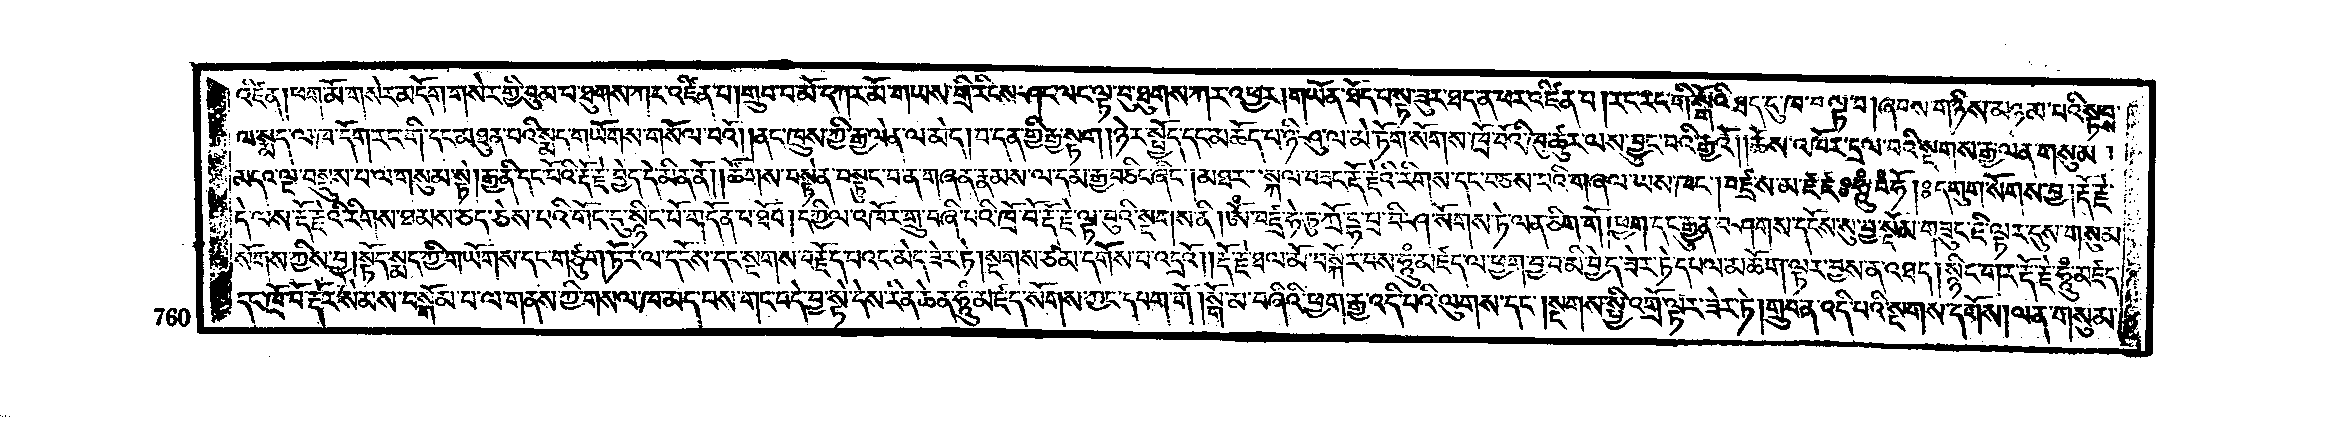འཛིན། ཕག་མོ་གསེར་མདོག་གསེར་གྱི་བུམ་པ་ཐུགས་ཀར་འཛིན་པ། གྲུབ་པ་མོ་དཀར་མོ་གཡས་གྲི་རིངས་ཤང་ལང་ལྟ་བུ་ཐུགས་ཀར་འཕྱར། གཡོན་ཐོད་པ་སྟ་ཟུར་ཐད་ན་ཕར་འཛིན་པ། རང་རང་གི་སྒོའི་ཐད་དུ་ཁ་བལྟ་བ། ཞབས་གཉིས་མཉམ་པའི་སྟབས་
ལ་སྨད་ལ་ཁ་དོག་རང་གི་དང་མཐུན་པའི་སྨད་གཡོགས་གསོལ་བའོ། །ནང་ཁྲུས་ཀྱི་རྒྱ་ལེན་ལ་མེད། བ་དན་གྱི་རྒྱ་སྟག །ཉེར་སྤྱོད་དང་མཆོད་པ་ཉི་ཤུ་ལ་མེ་ཏོག་སོགས་ཁྲོ་བོའི་ཁུ་ཚུར་ལས་བྱུང་བའི་རྒྱའོ། །ཆོས་འཁོར་དྲལ་བའི་སྔགས་རྒྱ་ལན་གསུམ།
མདའ་ལྔ་བསྡུས་པ་ལ་གསུམ་སྟེ། རྒྱ་ནི་དང་པོའི་རྡོ་རྗེ་བྱེད་དེ་མིན་ནོ། །ཚོགས་བསྟེན་བསྟུང་བ་ན་གཞན་རྣམས་ལ་དམ་རྒྱ་བཅིང་ཞིང་། མཐར་སྐལ་བཟང་རྡོ་རྗེའི་རིགས་དང་བཅས་པའི་གཞལ་ཡས་ཁང་། བཛྲ་ས་མ་ཛ་ཛཿ ཧཱུཾ་བཾ་ཧོ། Hདགུག་སོགས་བྱ། རྡོ་རྗེ་
དེ་ལས་རྡོ་རྗེའི་རིགས་ཐམས་ཅད་ཅེས་པའི་གོང་དུ་སྙིང་པོ་གདོན་པ་ཐོབ། དཀྱིལ་འཁོར་གྲུ་བཞི་པའི་ཁྲོ་བོ་རྡོ་རྗེ་ལྟ་བུའི་སྔགས་ནི། ཨོཾ་བཛྲ་ཧེ་ཏུ་ཀྲོ་དྷ་པྲ་བི་ཤ་སོགས་ཏེ་ལན་ཅིག་གོ །ཕྱག་དང་རྒྱུན་བཤགས་དངོས་སུ་བྱ་སྡོམ་གཟུང་ཇི་ལྟར་དུས་གསུམ་
སོགས་ཀྱིས་བྱ། སྟོད་སྨད་ཀྱི་གཡོགས་དང་གཙུག་ཏོར་ལ་དངོས་དང་སྔགས་བརྗོད་པའང་མེད་ཟེར་ཏེ། སྔགས་ཙམ་དགོས་པ་འདྲའོ། །རྡོ་རྗེ་ཐལ་མོ་བསྐོར་བས་ཧཱུཾ་མཛད་ལ་ཕྱག་བྱ་བ་མི་བྱེད་ཟེར་ཏེ་དཔལ་མཆོག་ལྟར་བྱས་ན་འཐད། སྙིང་གར་རྡོ་རྗེ་ཧཱུཾ་མཛད་
དང་ཁྲོ་བོ་རྡོར་སེམས་བསྒོམ་པ་ལ་གནས་ཀྱི་གསལ་ཁ་མེད་པས་གང་བདེ་བྱ་སྟེ་དེས་རིན་ཆེན་ཧཱུཾ་མཛད་སོགས་ཀྱང་དཔག་གོ །སྒོ་མ་བཞིའི་ཕྱག་རྒྱ་འདི་པའི་ལུགས་དང་། སྔགས་སྤྱི་འགྲོ་ལྟར་ཟེར་ཏེ། གྲུབ་ན་འདི་པའི་སྔགས་དགོས། ལན་གསུམ་